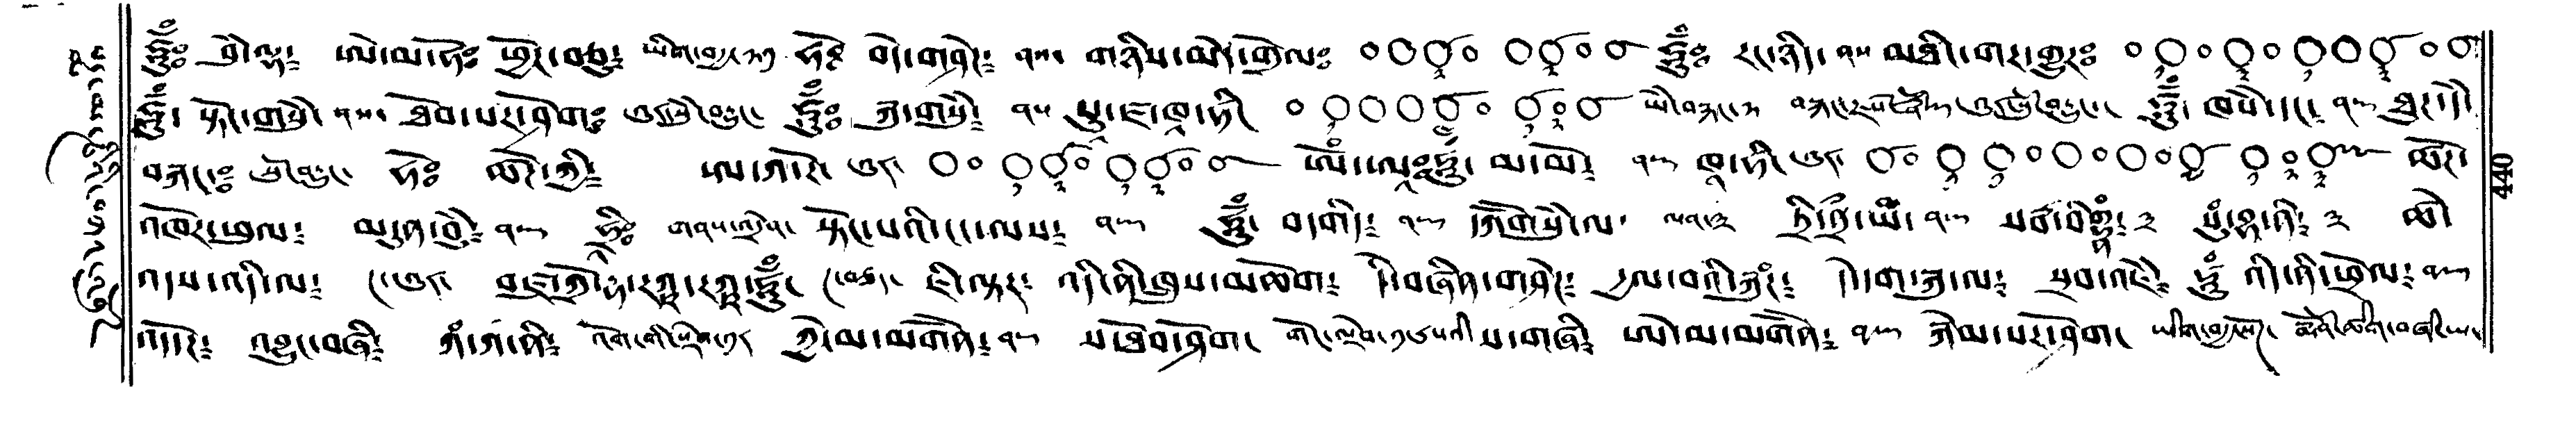ཧཱུྃ༔ བུམ་ལྷ༴ ཨེ་མ་ཧོཿ ཕྱོགས་བཅུ༴ ཡིག་བརྒྱ་ཉེར་གཅིག ཧོཿ བདེ་གཤེགས༴ ནས། གཉིས་མེད་གྲོལ༔ ཧཱུྃ༔ རང་ཉིད་ནས། མཐིང་གར་གྱུར༔ 
ཧཱུྃ༔ སྟོང་གསུམ་ནས། ཐོབ་པར་ཤོག༔ འུར་སུམ་རྡུང་། ཧཱུྃ༔ སྐུ་གསུམ་ནས། པཱུ་ཛ་ཁཱ་ཧི། ཡམ་བསྐང་གཉིས། བསྐང་རྫས་རྣམས་འུར་སུམ་རྡུང་། ཧཱུྃ༔ ཁམས་དང༴ ནས། ཐུགས་དམ་
བསྐང༔ སུམ་རྡུང་། ཧོཿ ཚོགས་ཀྱི༴ ཨ་ཀ་རོ༴ འུར། ཨོཾ་ཨཱཿཧཱུྂ༔ མ་མོ་ནས། ཁཱ་ཧིཿ འུར། ཚོགས་
འཁོར་ཕུལ༴ མདུན་བུམ་ནས། ཧྲཱིཿ གནས་འདྲེན། སྟོང་པའི་ངང་ལས༴ ནས། ཧཱུྃ༔ བདག་གི་ནས། དཀོན་མཆོག་གསུམ་ལ༴ལན་གསུམ། ཏྲི་ནྲྀ་ཡཾ་ནས། སརྦ་བིགྷྣཾ༴ གསུམ། སུཾ་བྷ་ནི༴ ཚེ་
འདས་འདི་ལ༴ ཌཱ་འུར། བཛྲ་ཀྲོ་དྷ་རཀྵ་རཀྵ་ཧཱུྃ༔ ཌཱ་བཅད། ཇི་ལྟར༴ འདི་ནི་ཁྲུས་མཆོག༴ དེ་བཞིན་གཤེགས༴ རྒྱལ་བའི་སྐུ་གསུང་ཐུགས༴ དེ་དག་སྐུ་ལ༴ སྲབ་འཇམ༴ ཧཱུྃ༔ འདི་ནི༴ ནས། 
འདོད་ཆགས༴ འབྱུང་བཞི༴ ཀཾ་ཀ་ནི༴ འོག་གི་ལྡེབ་བཅོ་བརྒྱད། ཀྱེ་མ་མགོན་པོ་ནས། ས་ཐོབ་ཤོག༔ གོང་ལྡེབ་བཅོ་བརྒྱད་པའ ི་ས་གཞི༴ ཨེ་མ་མགོན་པོ་ནས། སྐེམ་པར་ཤོག༔ ཡིག་བརྒྱ་སོགས། སྨོན་ལམ་ཚིག་བཞི་ཡང་